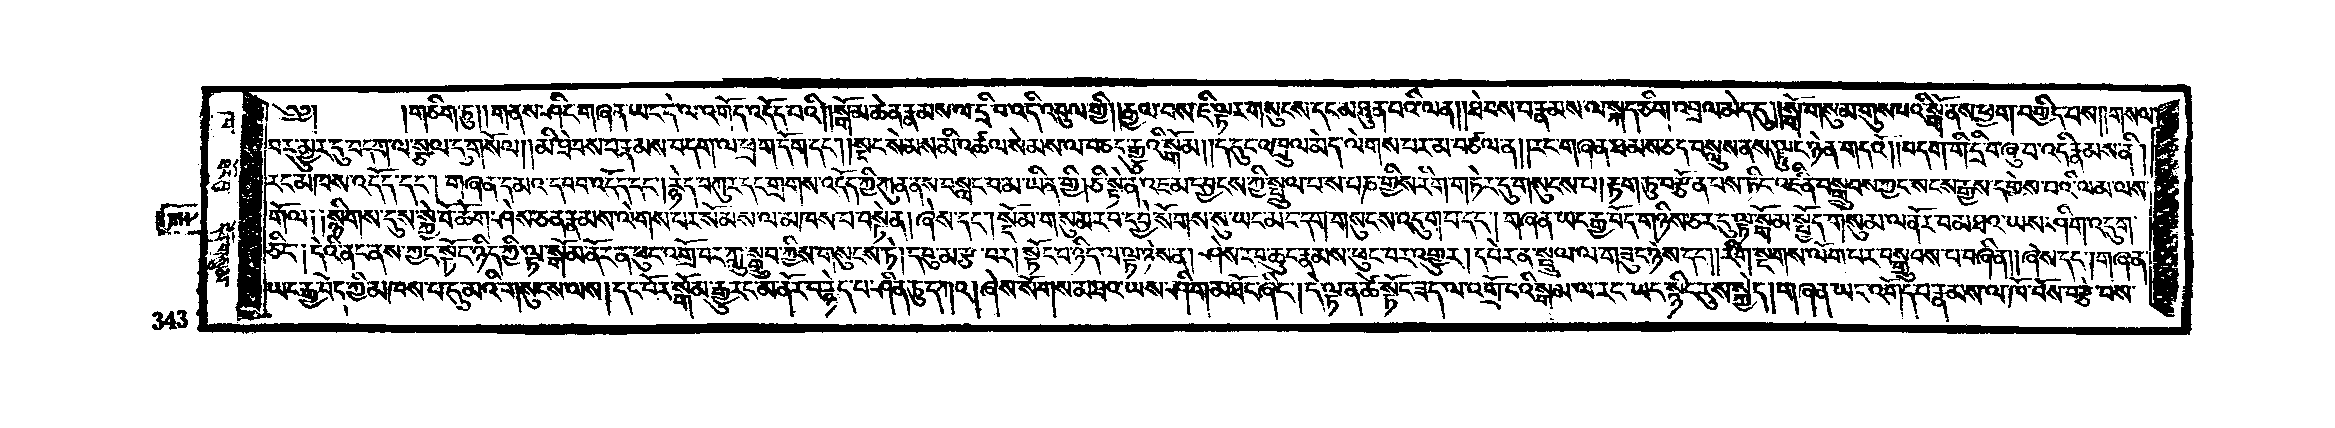༄༅། །གཅིག་ཏུ། །གནས་ཤིང་གཞན་ཡང་དེ་ལ་འགོད་འདོད་པའི། །སྒོམ་ཆེན་རྣམས་ལ་དྲི་བ་འདི་འབུལ་གྱི། །རྒྱལ་བས་ཇི་ལྟར་གསུངས་དང་མཐུན་པའི་ལན། །ཐེབས་པ་རྣམས་ལ་སྐད་ཅིག་འབྲལ་མེད་དུ། །སྒོ་གསུམ་གུས་པའི་སྒོ་ནས་ཕྱག་བགྱིད་པས། །གསལ་
བར་མྱུར་དུ་བདག་ལ་སྩལ་དུ་གསོལ། །མི་ཐེབས་པ་རྣམས་བདག་ལ་ཕྲག་དོག་དང་། །སྡང་སེམས་མི་འཚལ་སེམས་ལ་བཅད་རྒྱུའི་སྒོམ། །ད་དུང་འཁྲུལ་མེད་ལེགས་པར་མ་བཙལ་ན། །རང་གཞན་ཐམས་ཅད་བསླུས་ནས་ལྟུང་ཉེན་གདའོ། །བདག་གི་དྲི་བ་ཞུ་བ་འདི་རྣམས་ནི།
རང་མཁས་འདོད་དང་། གཞན་དམའ་དབབ་འདོད་དང་། རྙེད་བཀུར་དང་གྲགས་འདོད་ཀྱི་ཀུན་ནས་བསླང་བ་མ་ཡིན་གྱི། ཅི་སྟེ་ན་འཇམ་དབྱངས་ཀྱི་སྤྲུལ་པ་ས་པཎ་གྱིས་རིག་གཏེར་དུ་གསུངས་པ། རྟག་ཏུ་བརྩོན་པས་ཏིང་འཛིན་བསྒྲུབས་ཀྱང་སངས་རྒྱས་དགྱེས་པའི་ལམ་ལས་
གོལ༑ ༑སྙིགས་དུས་སྐྱེ་བོ་ཆོག་ཤེས་ཅན་རྣམས་ལེགས་པར་སོམས་ལ་མཁས་པ་བསྟེན། ཞེས་དང་། སྡོམ་གསུམ་རབ་དབྱེ་སོགས་སུ་ཡང་མང་དག་གསུངས་འདུག་པ་དང་། གཞན་ཡང་རྒྱ་བོད་གཉིས་ཅར་དུ་ལྟ་སྒོམ་སྤྱོད་གསུམ་ལ་ནོར་བ་མཐའ་ཡས་ཤིག་འདུག་
ཅིང་། དེའི་ནང་ནས་ཀྱང་སྟོང་ཉིད་ཀྱི་ལྟ་སྒོམ་ནོར་ན་ཕུང་འགྲོ་བར་ཀླུ་སྒྲུབ་ཀྱིས་གསུངས་ཏེ། དབུ་མ་རྩ་བར། སྟོང་པ་ཉིད་ལ་ལྟ་ཉེས་ན། ཤེས་རབ་ཆུང་རྣམས་ཕུང་བར་འགྱུར། དཔེར་ན་སྦྲུལ་ལ་གཟུང་ཉེས་དང་། །རིག་སྔགས་ལོག་པར་བསྒྲུབས་པ་བཞིན། །ཞེས་དང་། གཞན་
ཡང་རྒྱ་བོད་ཀྱི་མཁས་པ་དུ་མའི་གསུངས་ལས། དང་པོར་སྒོམ་རྒྱུ་རང་མ་ནོར་བ་རྙེད་པ་ཤིན་ཏུ་དཀའ། ཞེས་སོགས་མཐའ་ཡས་ཤིག་མཐོང་ཞིང་། དེ་ལྟ་ན་ཚེ་སྟོང་ཟད་ལ་འགྲོ་བའི་སྒོམ་ལ་རང་ཡང་སྙིང་རུས་སྐྱེད། གཞན་ཡང་འགོད་པ་རྣམས་ལ་ཁོ་བོས་བརྩེ་བས་